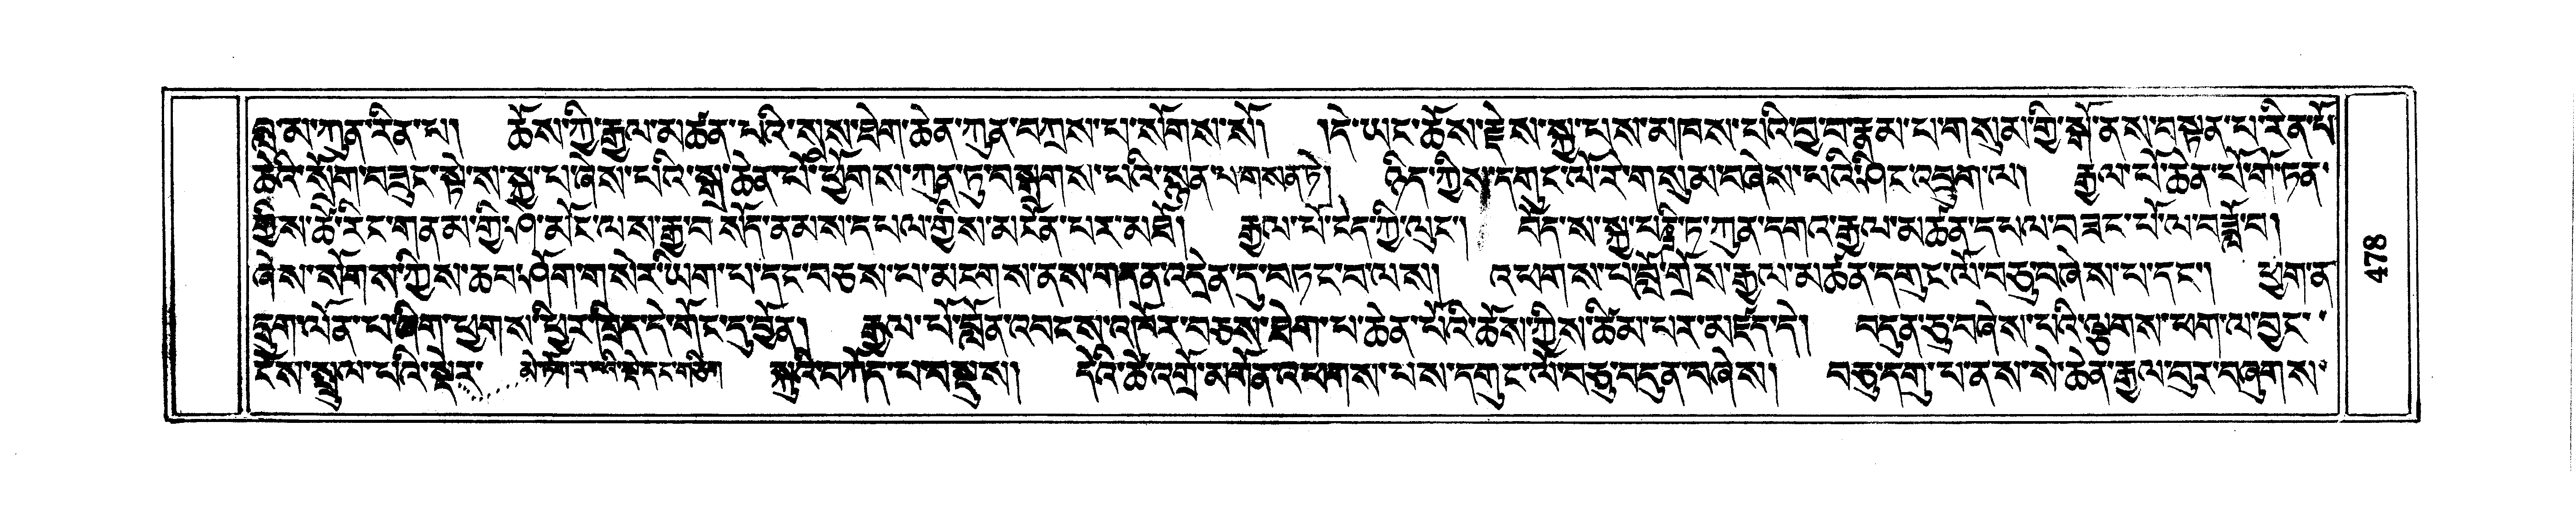བླ་མ་ཀུན་རིན་པ། ཆོས་ཀྱི་རྒྱལ་མཚན་པའི་སྲས་ཐེག་ཆེན་ཀུན་བཀྲས་པ་སོགས་སོ། །དེ་ཡང་ཆོས་རྗེས་སྐྱ་པས་མཁས་པའི་བྱ་བ་རྣམ་པ་གསུམ་གྱི་སྒོ་ནས་བསྟན་པ་རིན་པོ་
ཆེའི་སྲོག་བཟུང་སྟེ་ས་སྐྱ་པ་ཞེས་པའི་སྒྲ་ཆེན་པོ་ཕྱོགས་ཀུན་ཏུ་བསྒྲགས་པའི་སྙན་པ་གསན་ཏེ། ཉིད་ཀྱིས་དགུང་ལོ་རེ་གསུམ་བཞེས་པའི་ཤིང་འབྲུག་ལ། རྒྱལ་པོ་ཆེན་པོ་གོ་ཏན་
གྱིས་ཚེ་རིང་གནམ་གྱི་ཤེ་མོང་ལས་རྒྱ་བསོད་ནམས་དཔལ་གྱིས་མངོན་པར་མཐོ། རྒྱལ་པོ་ངེད་ཀྱི་ལུང་། བོད་ས་སྐྱ་པཎྚི་ཏ་ཀུན་དགའ་རྒྱལ་མཚན་དཔལ་བཟང་པོ་ལ་བཟློ་བ།
ཞེས་སོགས་ཀྱིས་ཆབ་ཤོག་གསེར་ཡིག་པ་དང་བཅས་པ་མངགས་ནས་གདན་འདྲེན་དུ་བཏང་བ་ལས། འཕགས་པ་བློ་གྲོས་རྒྱལ་མཚན་དགུང་ལོ་བཅུ་བཞེས་པ་དང་། ཕྱག་ན་
དྲུག་ལོན་པ་ཞིག་ཕྱགས་ཕྱིར་ཁྲིད་དེ་གོང་དུ་བྱོན། རྒྱལ་པོ་བློན་འབངས་འཁོར་བཅས་ཐེག་པ་ཆེན་པོའི་ཆོས་ཀྱིས་ཚིམ་པར་མཛད་དེ། བདུན་ཅུ་བཞེས་པའི་ལྕགས་ཕག་ལ་བྱང་
ངོས་སྤྲུལ་པའི་སྡེར་མེ་ཏོག་ར་བའི་སྡེ་དང་གཅིག་སྐུའི་བཀོད་པ་བསྡུས། དེའི་ཚེ་འགྲོ་མགོན་འཕགས་པས་དགུང་ལོ་བཅུ་བདུན་བཞེས། བཅུ་དགུ་པ་ནས་སེ་ཆེན་རྒྱལ་བུར་བཞུགས་